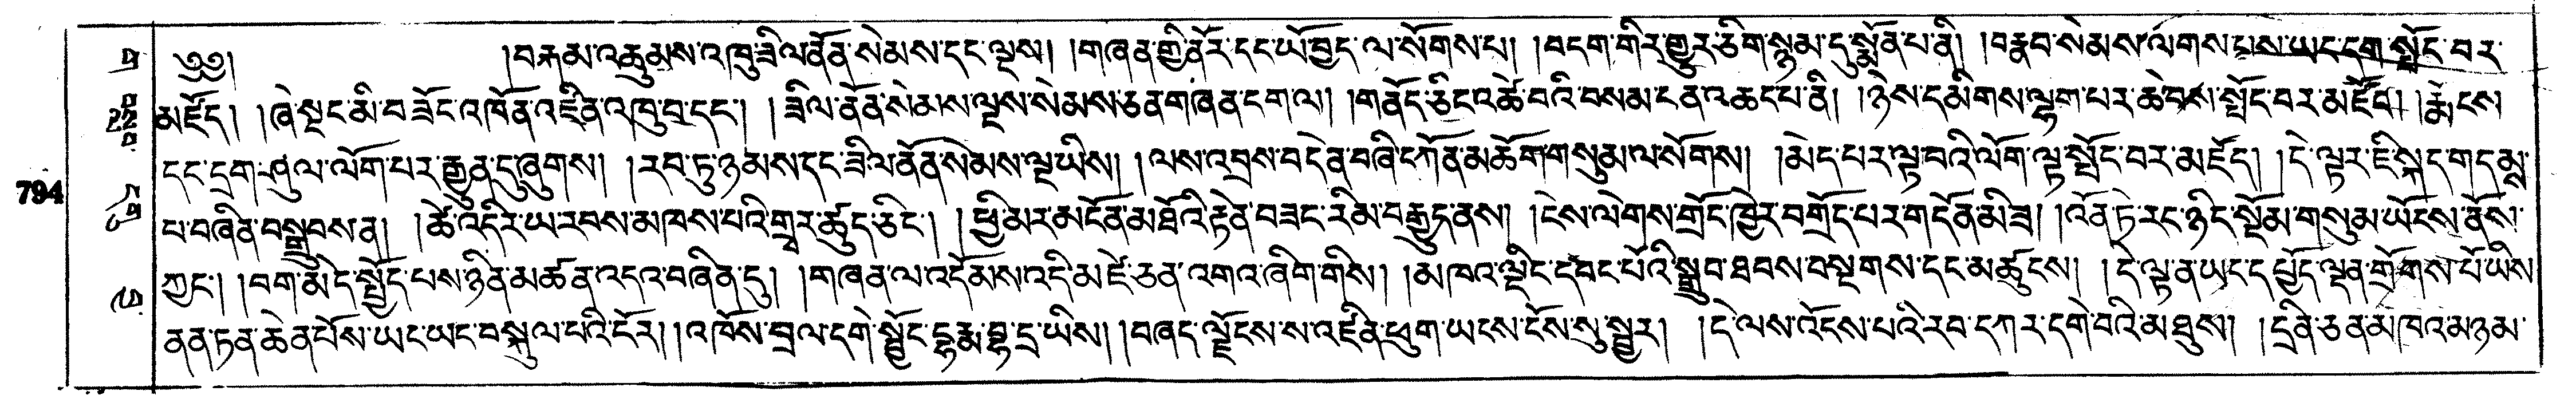༄༅། །བརྐམ་འཆུམས་འཁུ་ཟིལ་ནོན་སེམས་དང་ལྔས། །གཞན་གྱི་ནོར་དང་ཡོ་བྱད་ལ་སོགས་པ། །བདག་གིར་གྱུར་ཅིག་སྙམ་དུ་སྨོན་པ་ནི། །བརྣབ་སེམས་ལགས་པས་ཡང་དག་སྤོང་བར་
མཛོད། །ཞེ་སྡང་མི་བཟོང་འཁོན་འཛིན་འཁུ་བ་དང་། །ཟིལ་ནོན་སེམས་ལྔས་སེམས་ཅན་གཞན་ངག་ལ། །གནོད་ཅིང་འཚེ་བའི་བསམ་ངན་འཆད་པ་ནི། །ཉེས་དམིགས་ལྷག་པར་ཆེ་བས་སྤོང་བར་མཛོད། །རྨོངས་
དང་དྲག་ཤུལ་ལོག་པར་རྒྱུན་དུ་ཞུགས། །རབ་ཏུ་ཉམས་དང་ཟིལ་ནོན་སེམས་ལྔ་ཡིས། །ལས་འབྲས་བདེན་བཞི་དཀོན་མཆོག་གསུམ་ལ་སོགས། །མེད་པར་ལྟ་བའི་ལོག་ལྟ་སྤོང་བར་མཛོད། །དེ་ལྟར་ཇི་སྐད་གདམས་
པ་བཞིན་བསྒྲུབས་ན། །ཚེ་འདིར་ཡ་རབས་མཁས་པའི་གྲྭར་ཚུད་ཅིང་། །ཕྱི་མར་མངོན་མཐོའི་རྟེན་བཟང་རིམ་བརྒྱུད་ནས། །ངེས་ལེགས་གྲོང་ཁྱེར་བགྲོད་པར་གདོན་མི་ཟ། །འོན་ཏེ་རང་ཉིད་སྡོམ་གསུམ་ཡོངས་ནོས་
ཀྱང་། །བག་མེད་སྤྱོད་པས་ཉིན་མཚན་འདའ་བཞིན་དུ། །གཞན་ལ་འདོམས་འདི་མཛེ་ཅན་འགའ་ཞིག་གིས། །མཁའ་ལྡིང་དབང་པོའི་སྒྲུབ་ཐབས་བསྔགས་དང་མཚུངས། །དེ་ལྟ་ན་ཡང་དཔྱོད་ལྡན་གྲོགས་པོ་ཡིས་
ནན་ཏན་ཆེན་པོས་ཡང་ཡང་བསྐུལ་པའི་ངོར། །འཁོས་བྲལ་དགེ་སྦྱོང་དྷརྨ་བྷ་དྲ་ཡིས། །བཞད་ལྗོངས་ས་འཛིན་ཕུག་ཡངས་ངོས་སུ་སྦྱར། །དེ་ལས་འོངས་པའི་རབ་དཀར་དགེ་བའི་མཐུས། །དྲིན་ཅན་མཁའ་མཉམ་